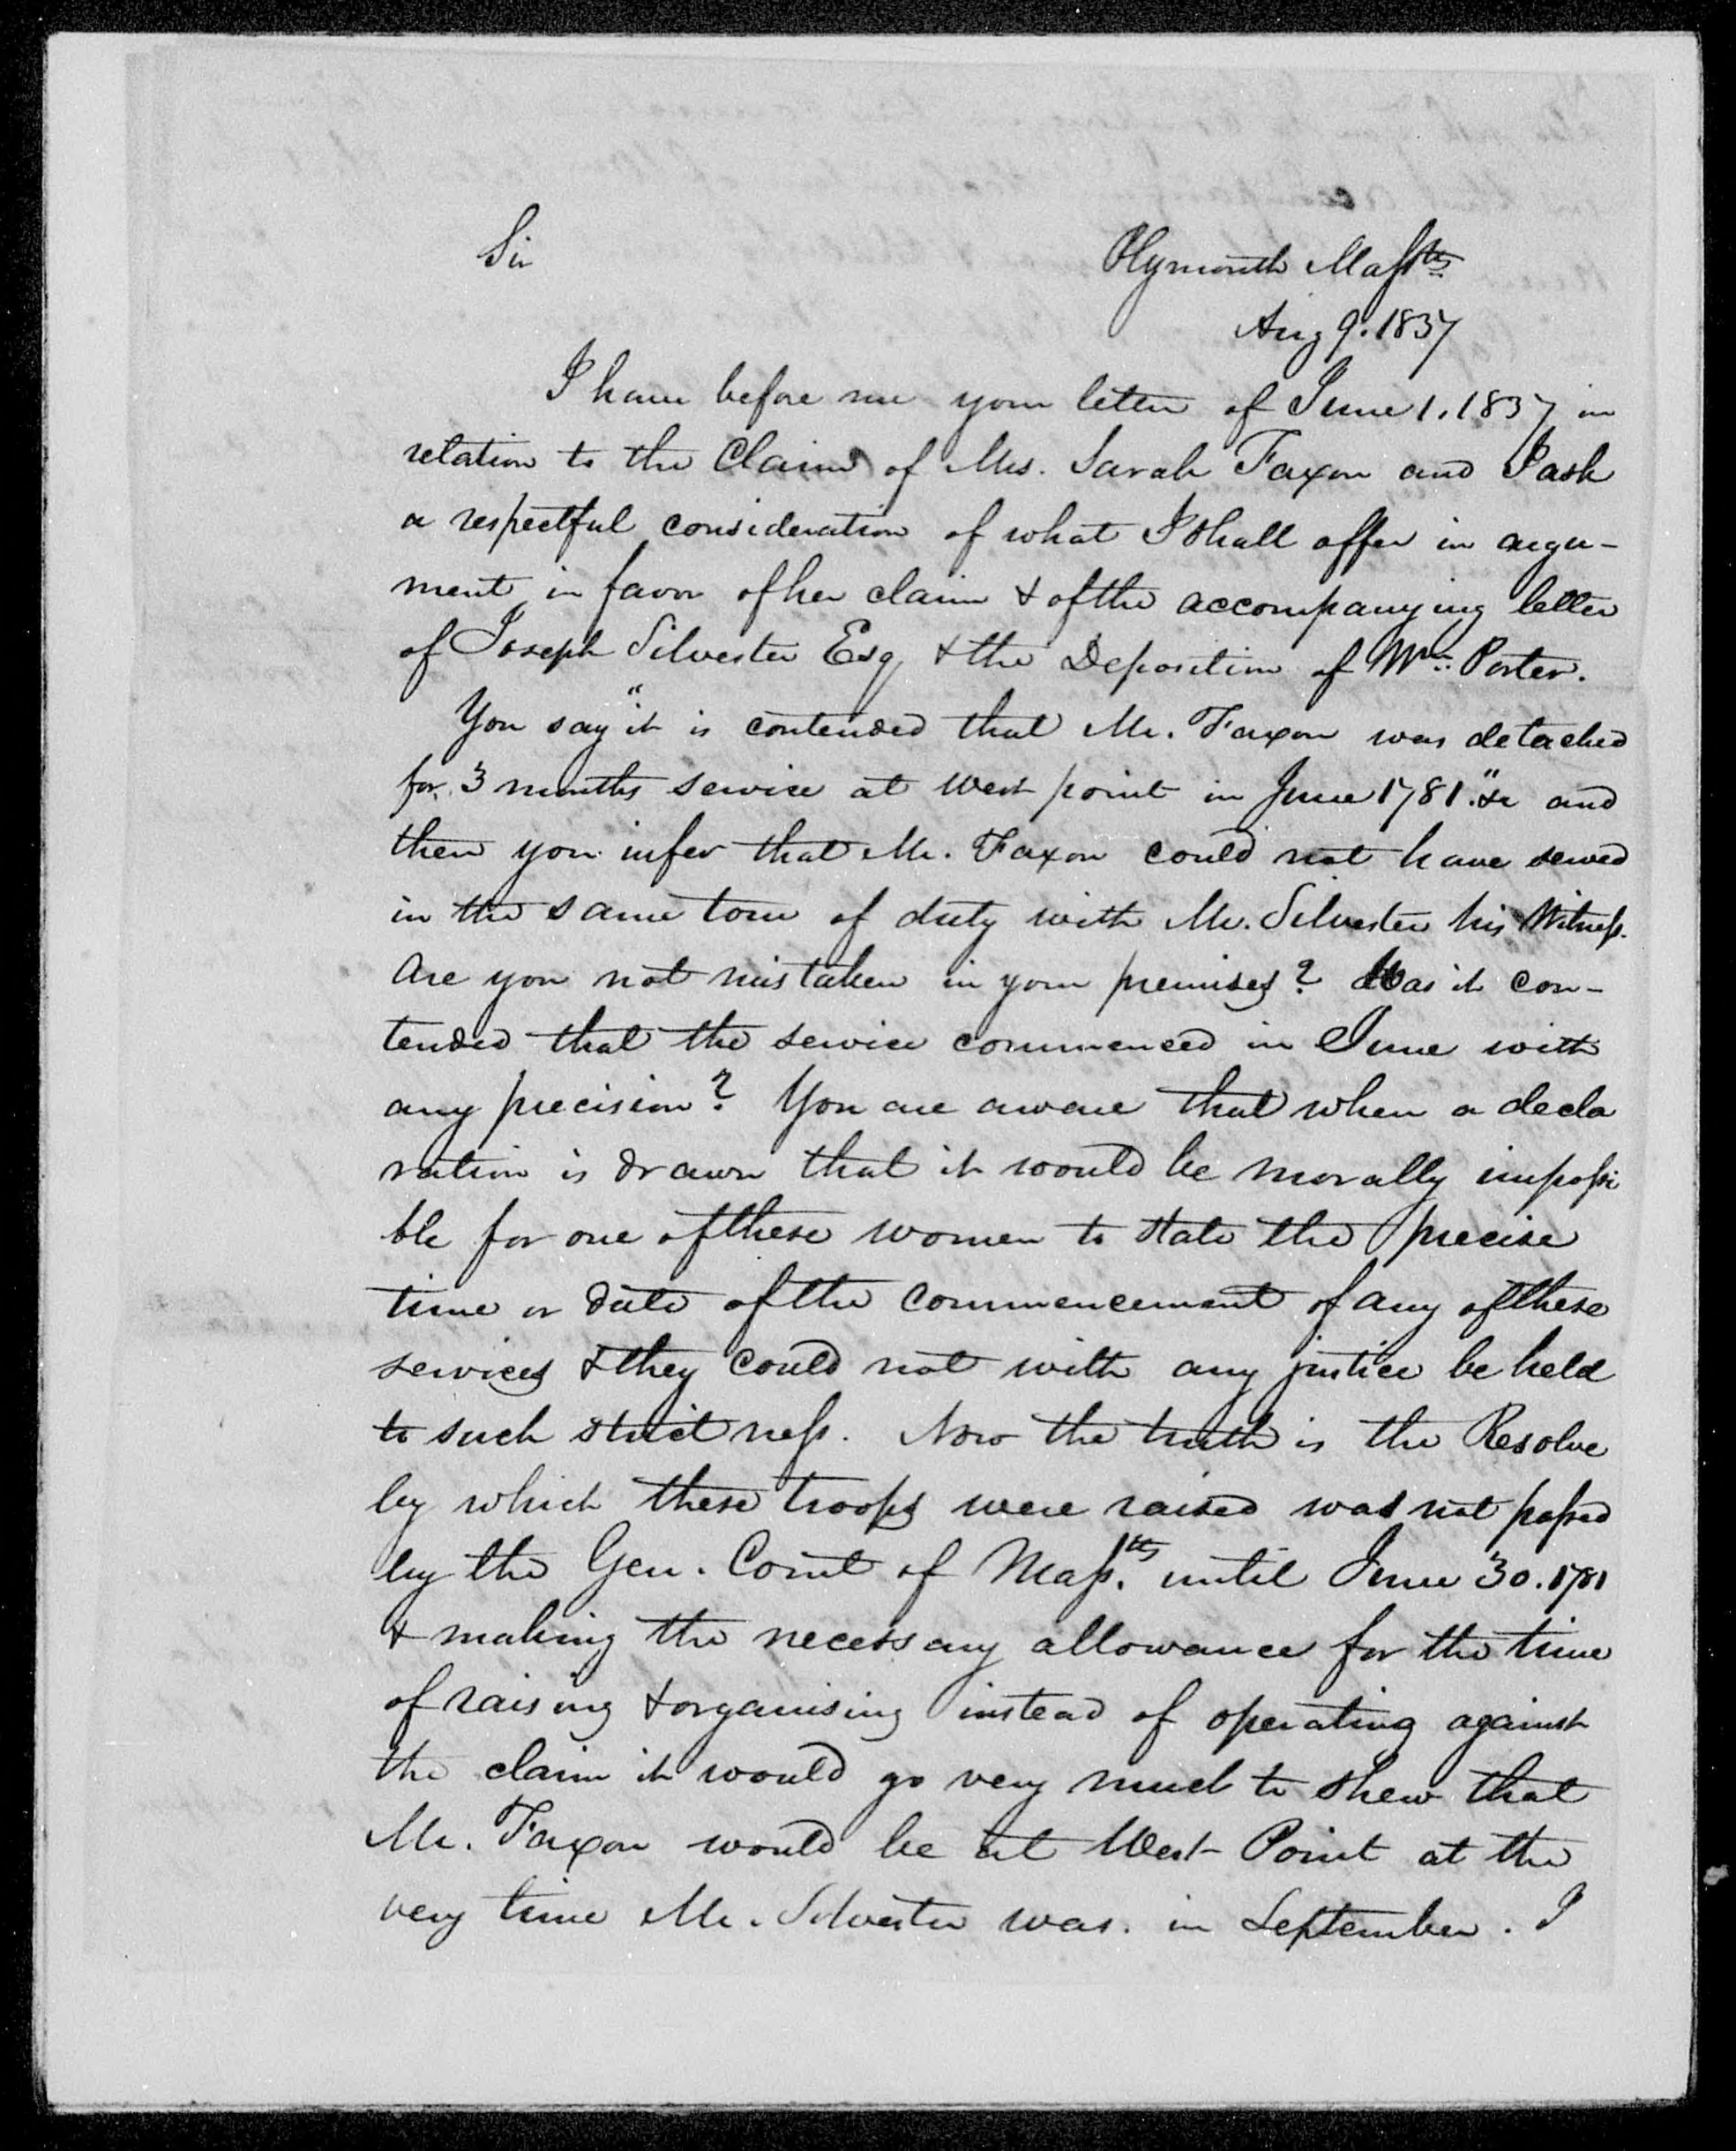Sir
Plymouth Massts.
Aug 9. 1837
I have before me your letter of June 1. 1837 in relation to the Claim of Mrs. Sarah Faxon and I ask a respectful consideration of what I shall offer in argument in favor of her claim & of the accompanying letter of Joseph Silvester Esq & the Deposition of Wm. Porter.
You say it is contended that Mr. Faxon was detached for 3 months service at West Point in June 1781. " and then you infer that Mr. Faxon could not have served in the same tour of duty with Mr. Silvester his Witness. Are you not mistaken in your premises? Was it contended that the service commenced in June with any precision? You are aware that when a declaration is drawn that it could be morally impossible for one of these women to state the precise time and date of the commencement of any of these services & they could not with any justice be held to such strictness. Now the truth is the Resolve by which these troops were raised was not passed by the Gen. Court of Masstts. until June 30. 1781 & making the necessary allowance for the time of raising & organising instead of operating against the claim it would go very much to shew that Mr. Faxon would be at West Point at the very time Mr. SIlvester was in September. I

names: Silvester, Sarah Faxon, Porter, Faxon, Silvester, Faxon, Faxon, Joseph Silvester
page: 27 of 47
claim: widow's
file: W. 14703, Elisha Faxon, Mass